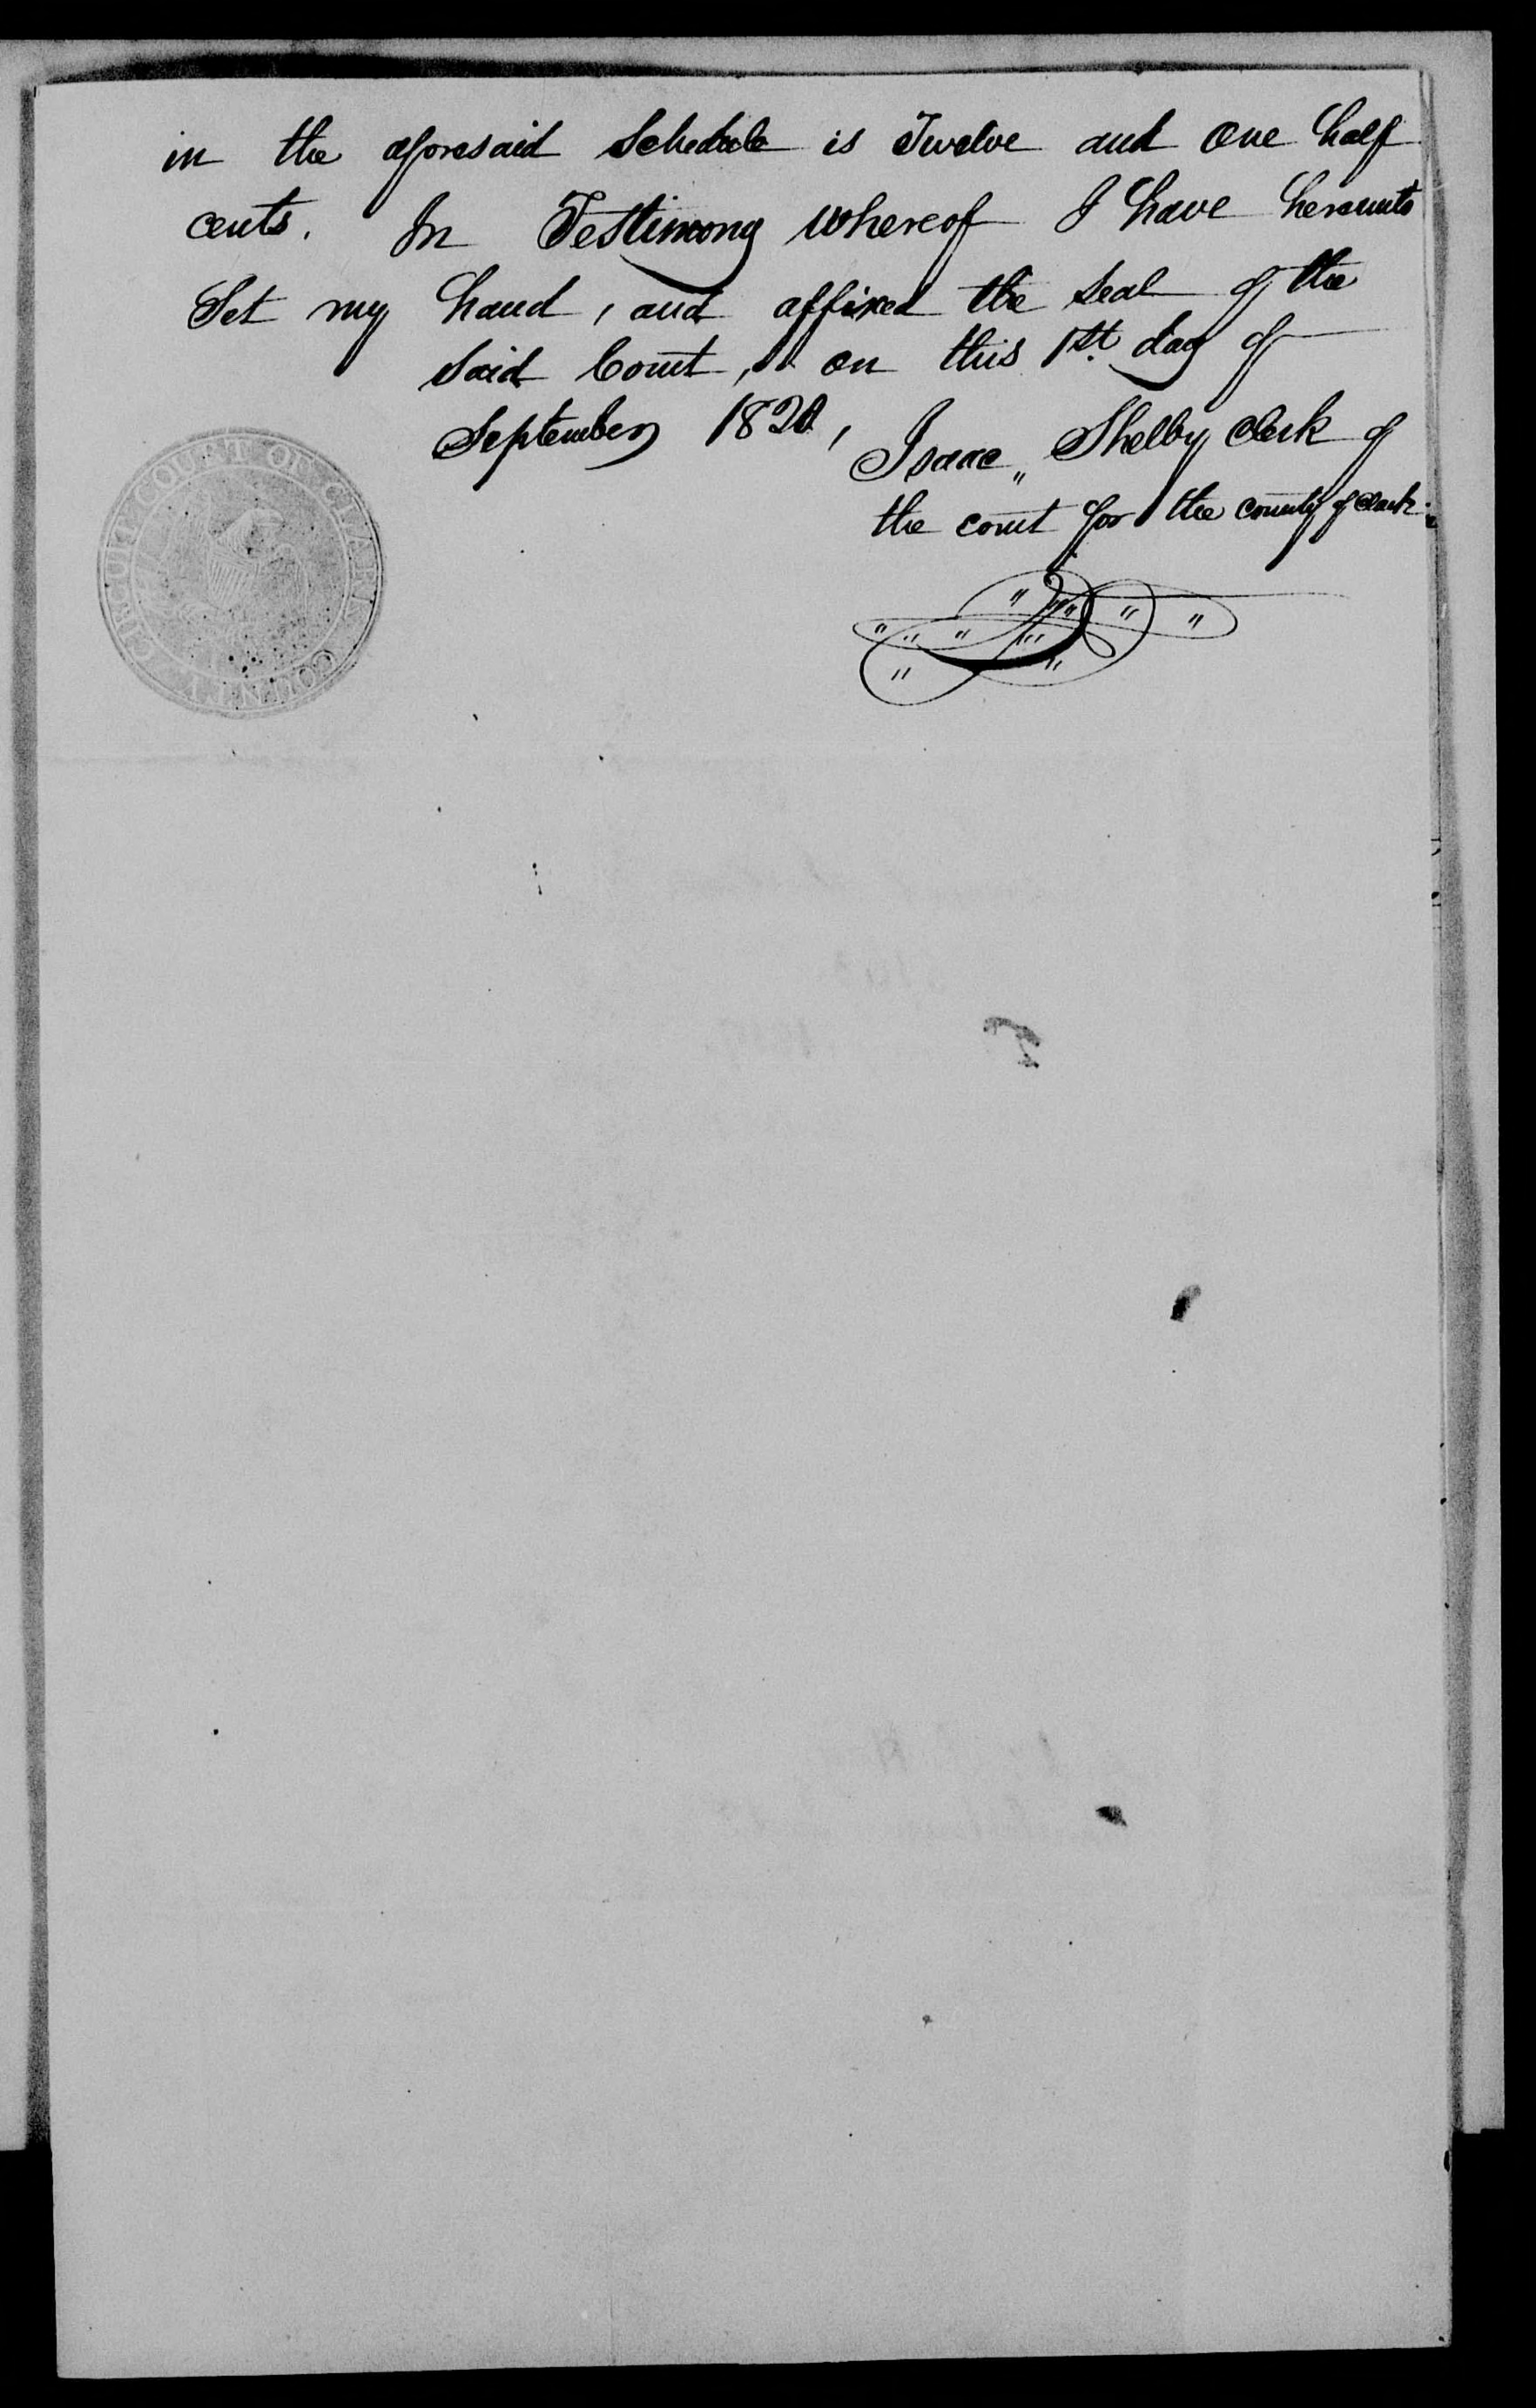in the aforesaid Schedule is Twelve and one half cents.
In Testimony whereof I have hereunto set my hand, and affixed the Seal of the said Court on this 1st day
September 1820.
 
[signed] Isaac Shelby Clerk of
the court for the County of Clark

[Embossed seal left side of page: CIRCUIT COURT OF CLARK COUNTY, There is an eagle with a shield on its chest in the center of the seal.]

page: 10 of 78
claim: widow's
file: W. 25,169, for Daniel Sullivan, Maryland